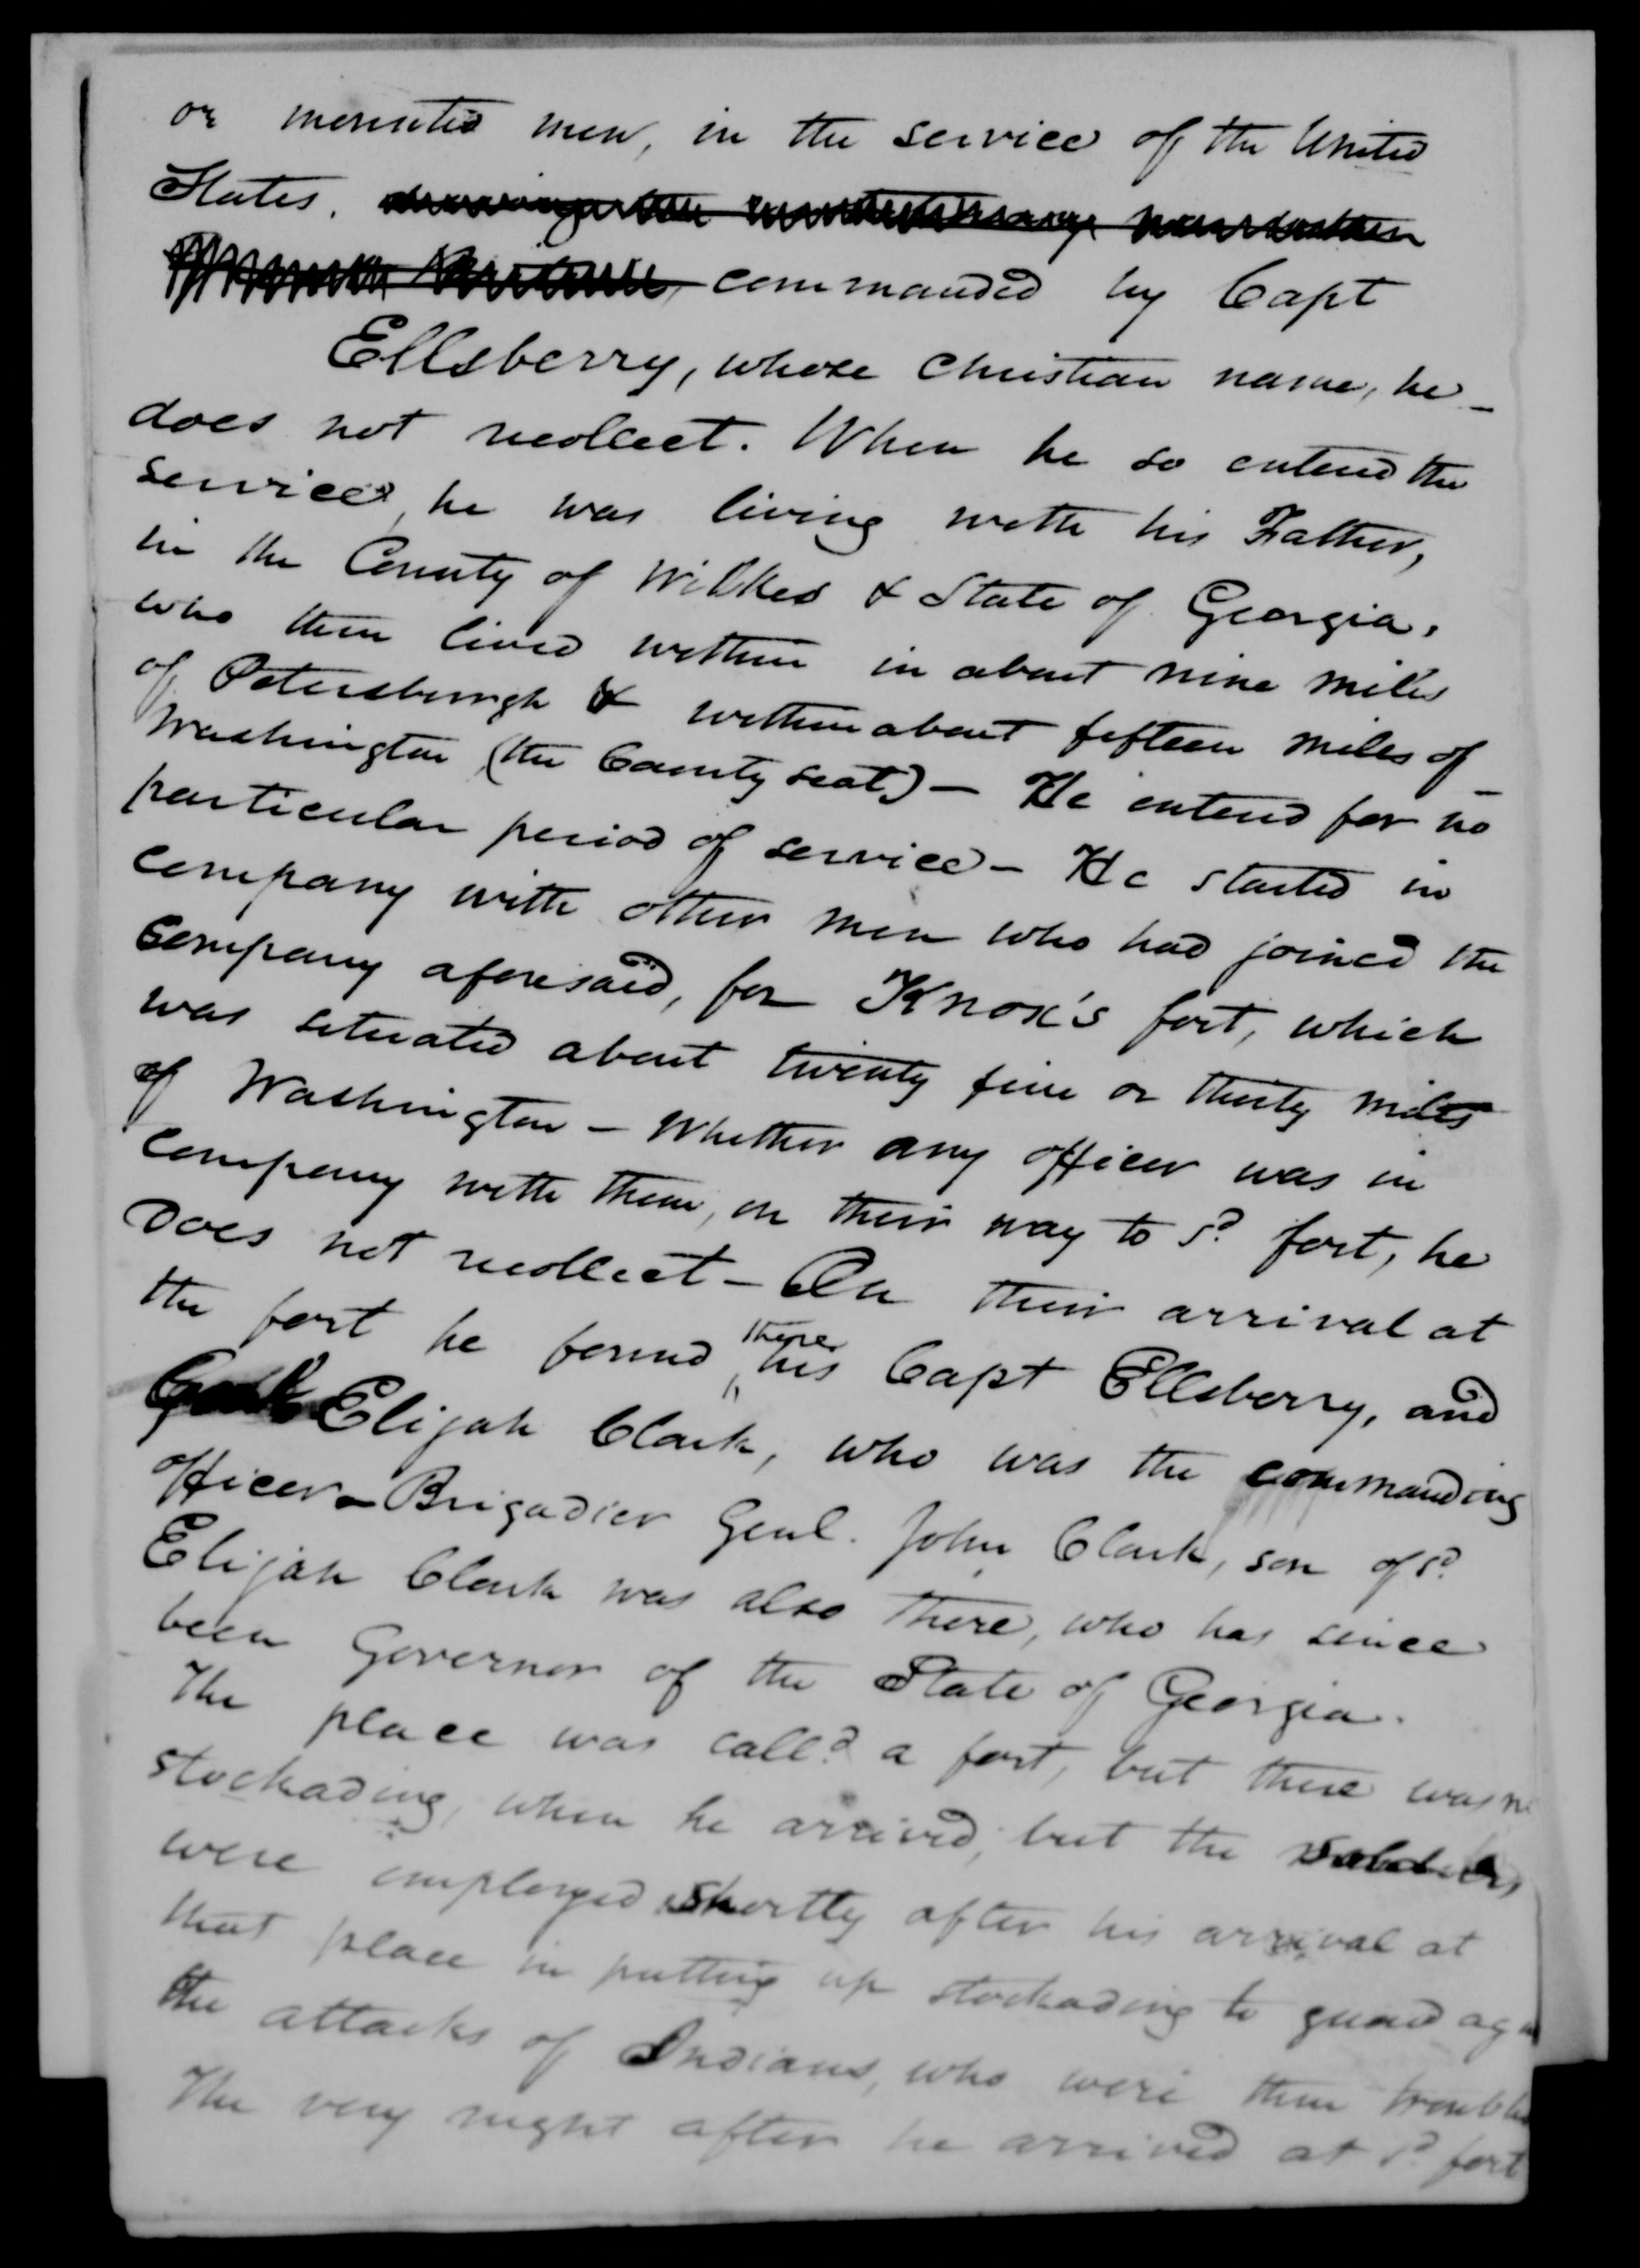or mounted men, in the service of the United
States. commanded by Capt Ellsberry, whose christian name, he does not recollect. When he so entered the service, he was living with his Father, in the County of Wilkes & State of Georgia, who then lived within in about nine miles of Petersburgh & within about fifteen miles of Washington (the County seat). He entered for no particular period of service. He started in company with other men who had joined the company aforesaid, for Knox's fort, which was situated about twenty five or thirty miles of Washington. Whether any officer was in company with them, on their way to sd [said] fort, he does not recollect. On their arrival at the fort he found there his Capt Ellsberry, and Genl Elijah Clark, who was the commanding Officer - Brigadier Genl. John Clark, son of sd [said] Elijah Clark was also there, who has since been governor of the State of Georgia. The place was calld a fort, but there was no stockading when he arrived, but the soldier were employed shortly after his arrival at that place he putting up stockading to guard aga [against] the attacks of Indians, who were then trouble. The very night after he arrived at sd [said] fort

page: 6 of 53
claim: widow's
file: W. 6,267, for John Thurman, Georgia